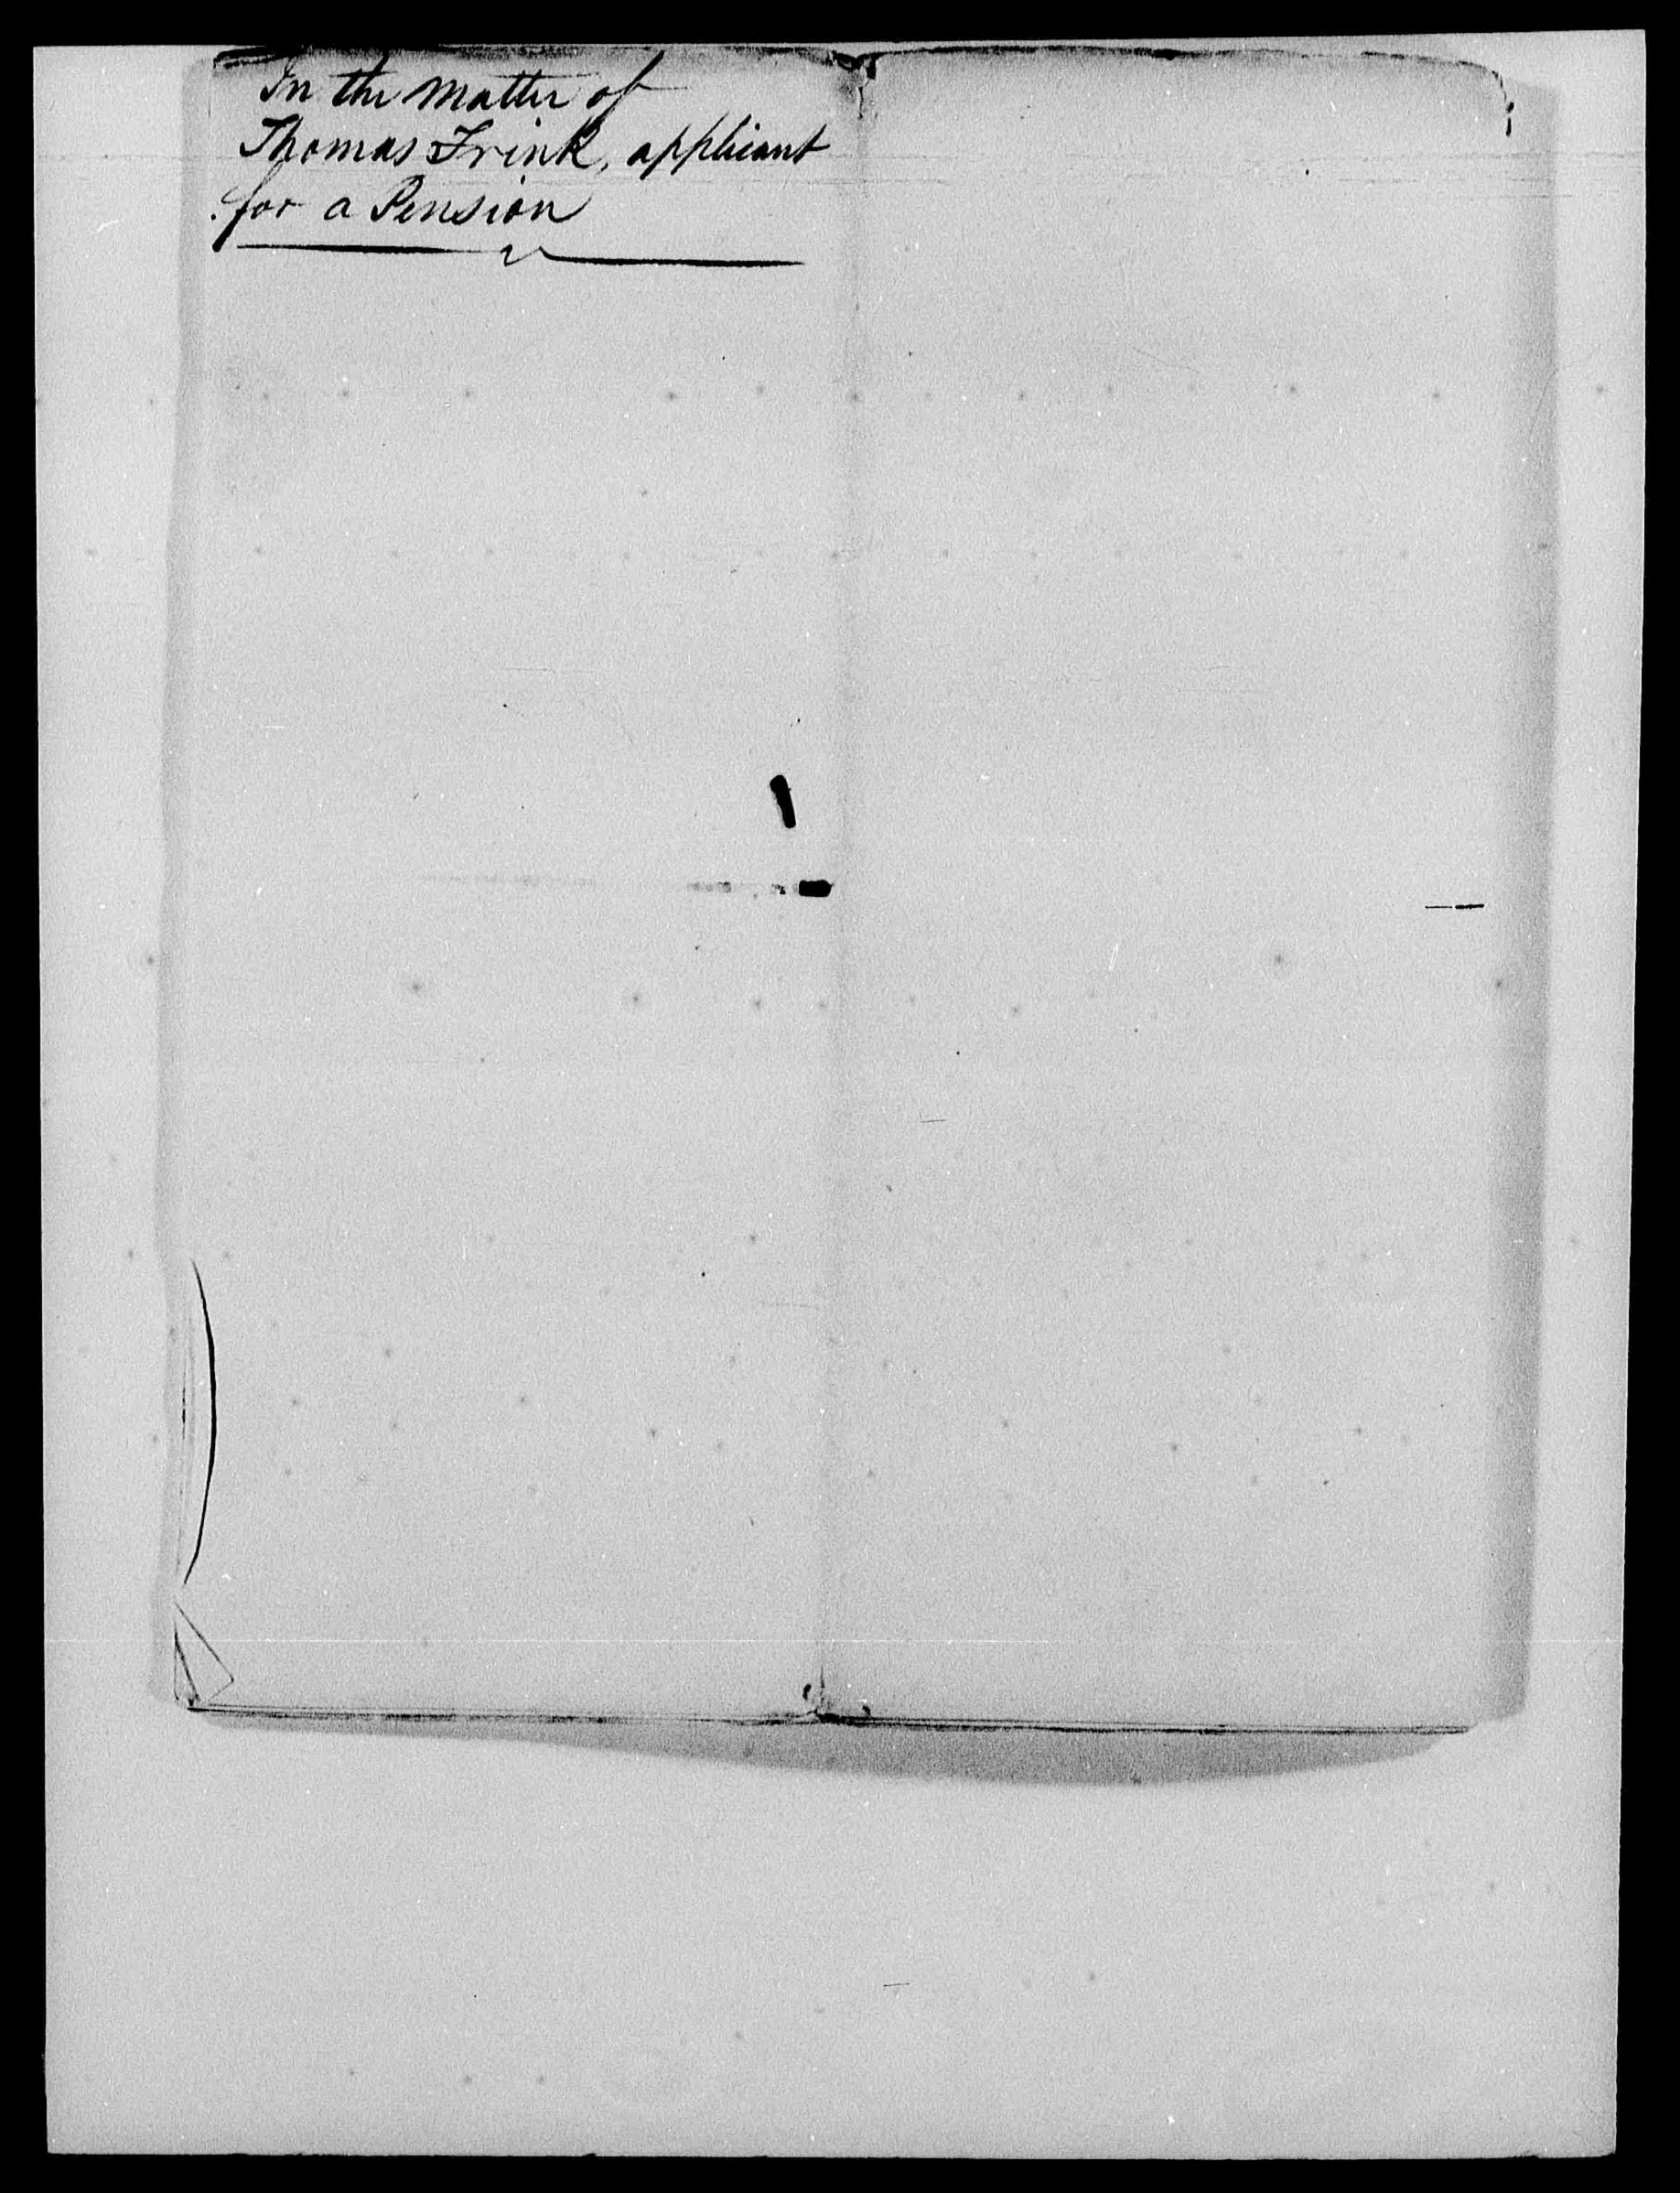In the matter of Thomas Frink, applicant for a Pension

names: Thomas Frink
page: 15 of 33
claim: survivor's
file: S 43571, Thomas Frink, Mass.